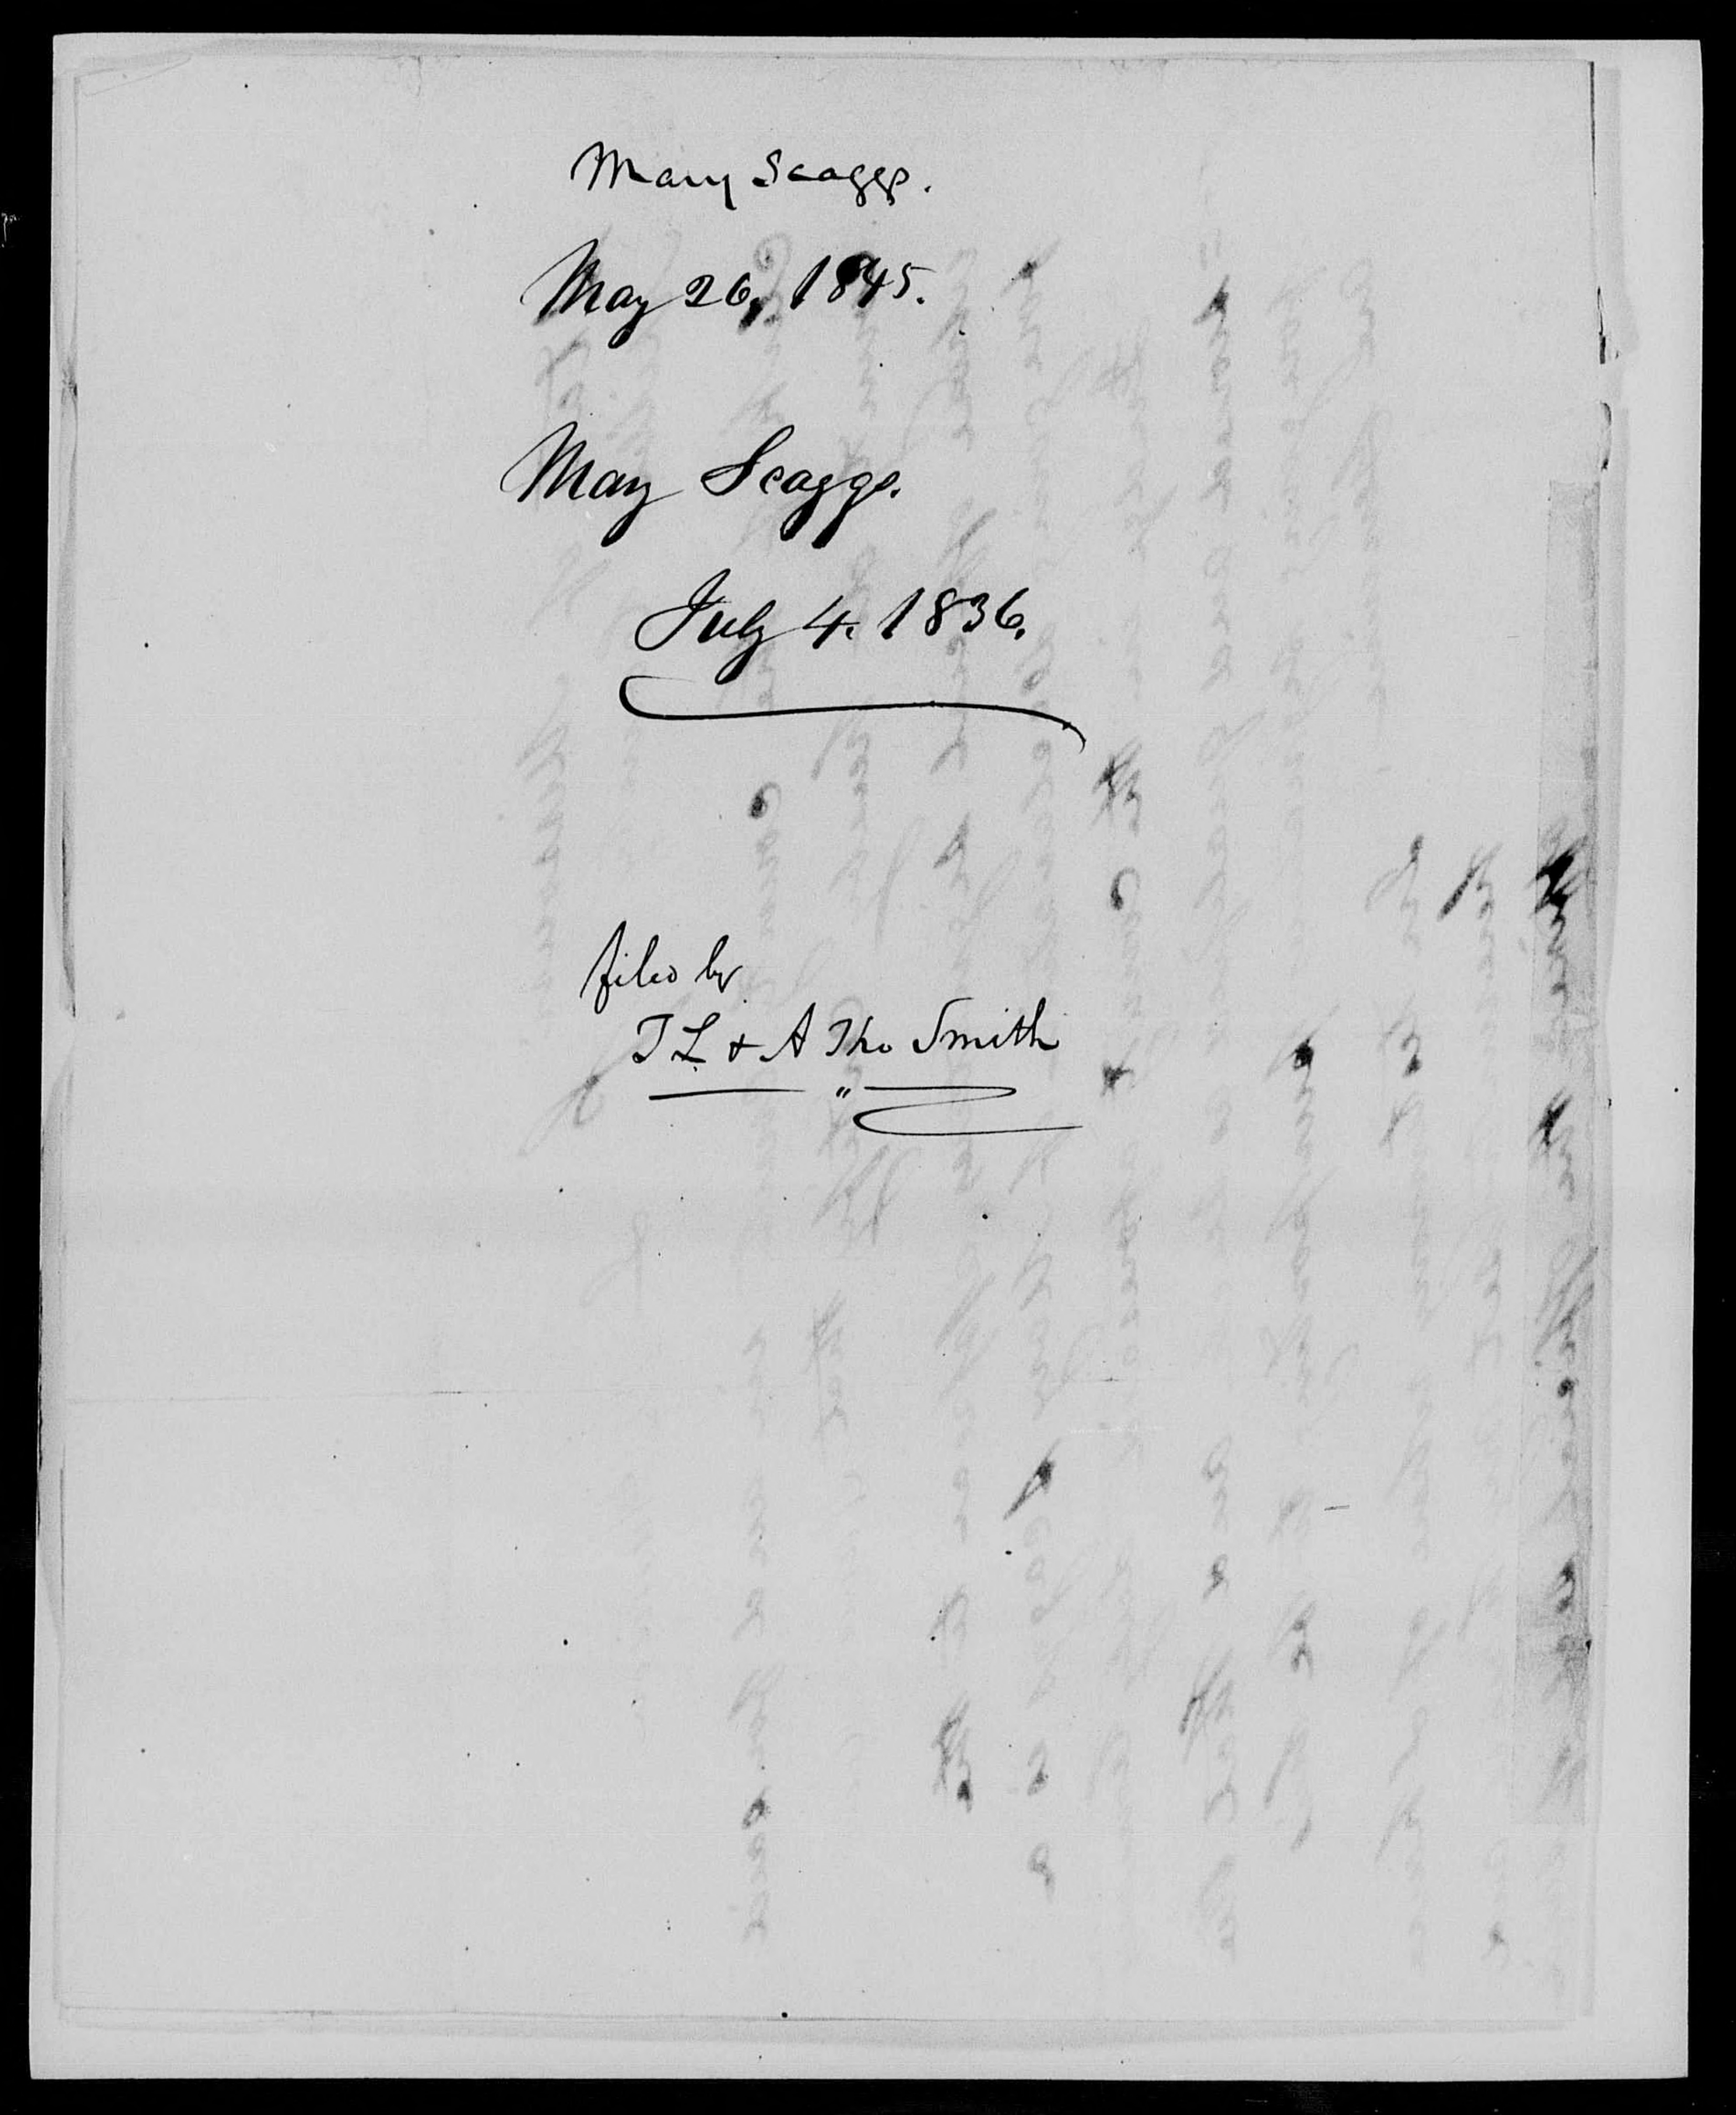Mary Scaggs
May 26, 1845.
May Scaggs
July 4, 1836.

filed by
TL & A Tho SmithMary Seage
May 26 1845.
May Scaggs
July 4 1836.
12
filed by
L & A Tho Smith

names: Mary Scaggs, T L Smith, May Scaggs, A Tho Smith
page: 13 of 16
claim: rejected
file: R. 9,250, Fletcher Edwards, S.C.